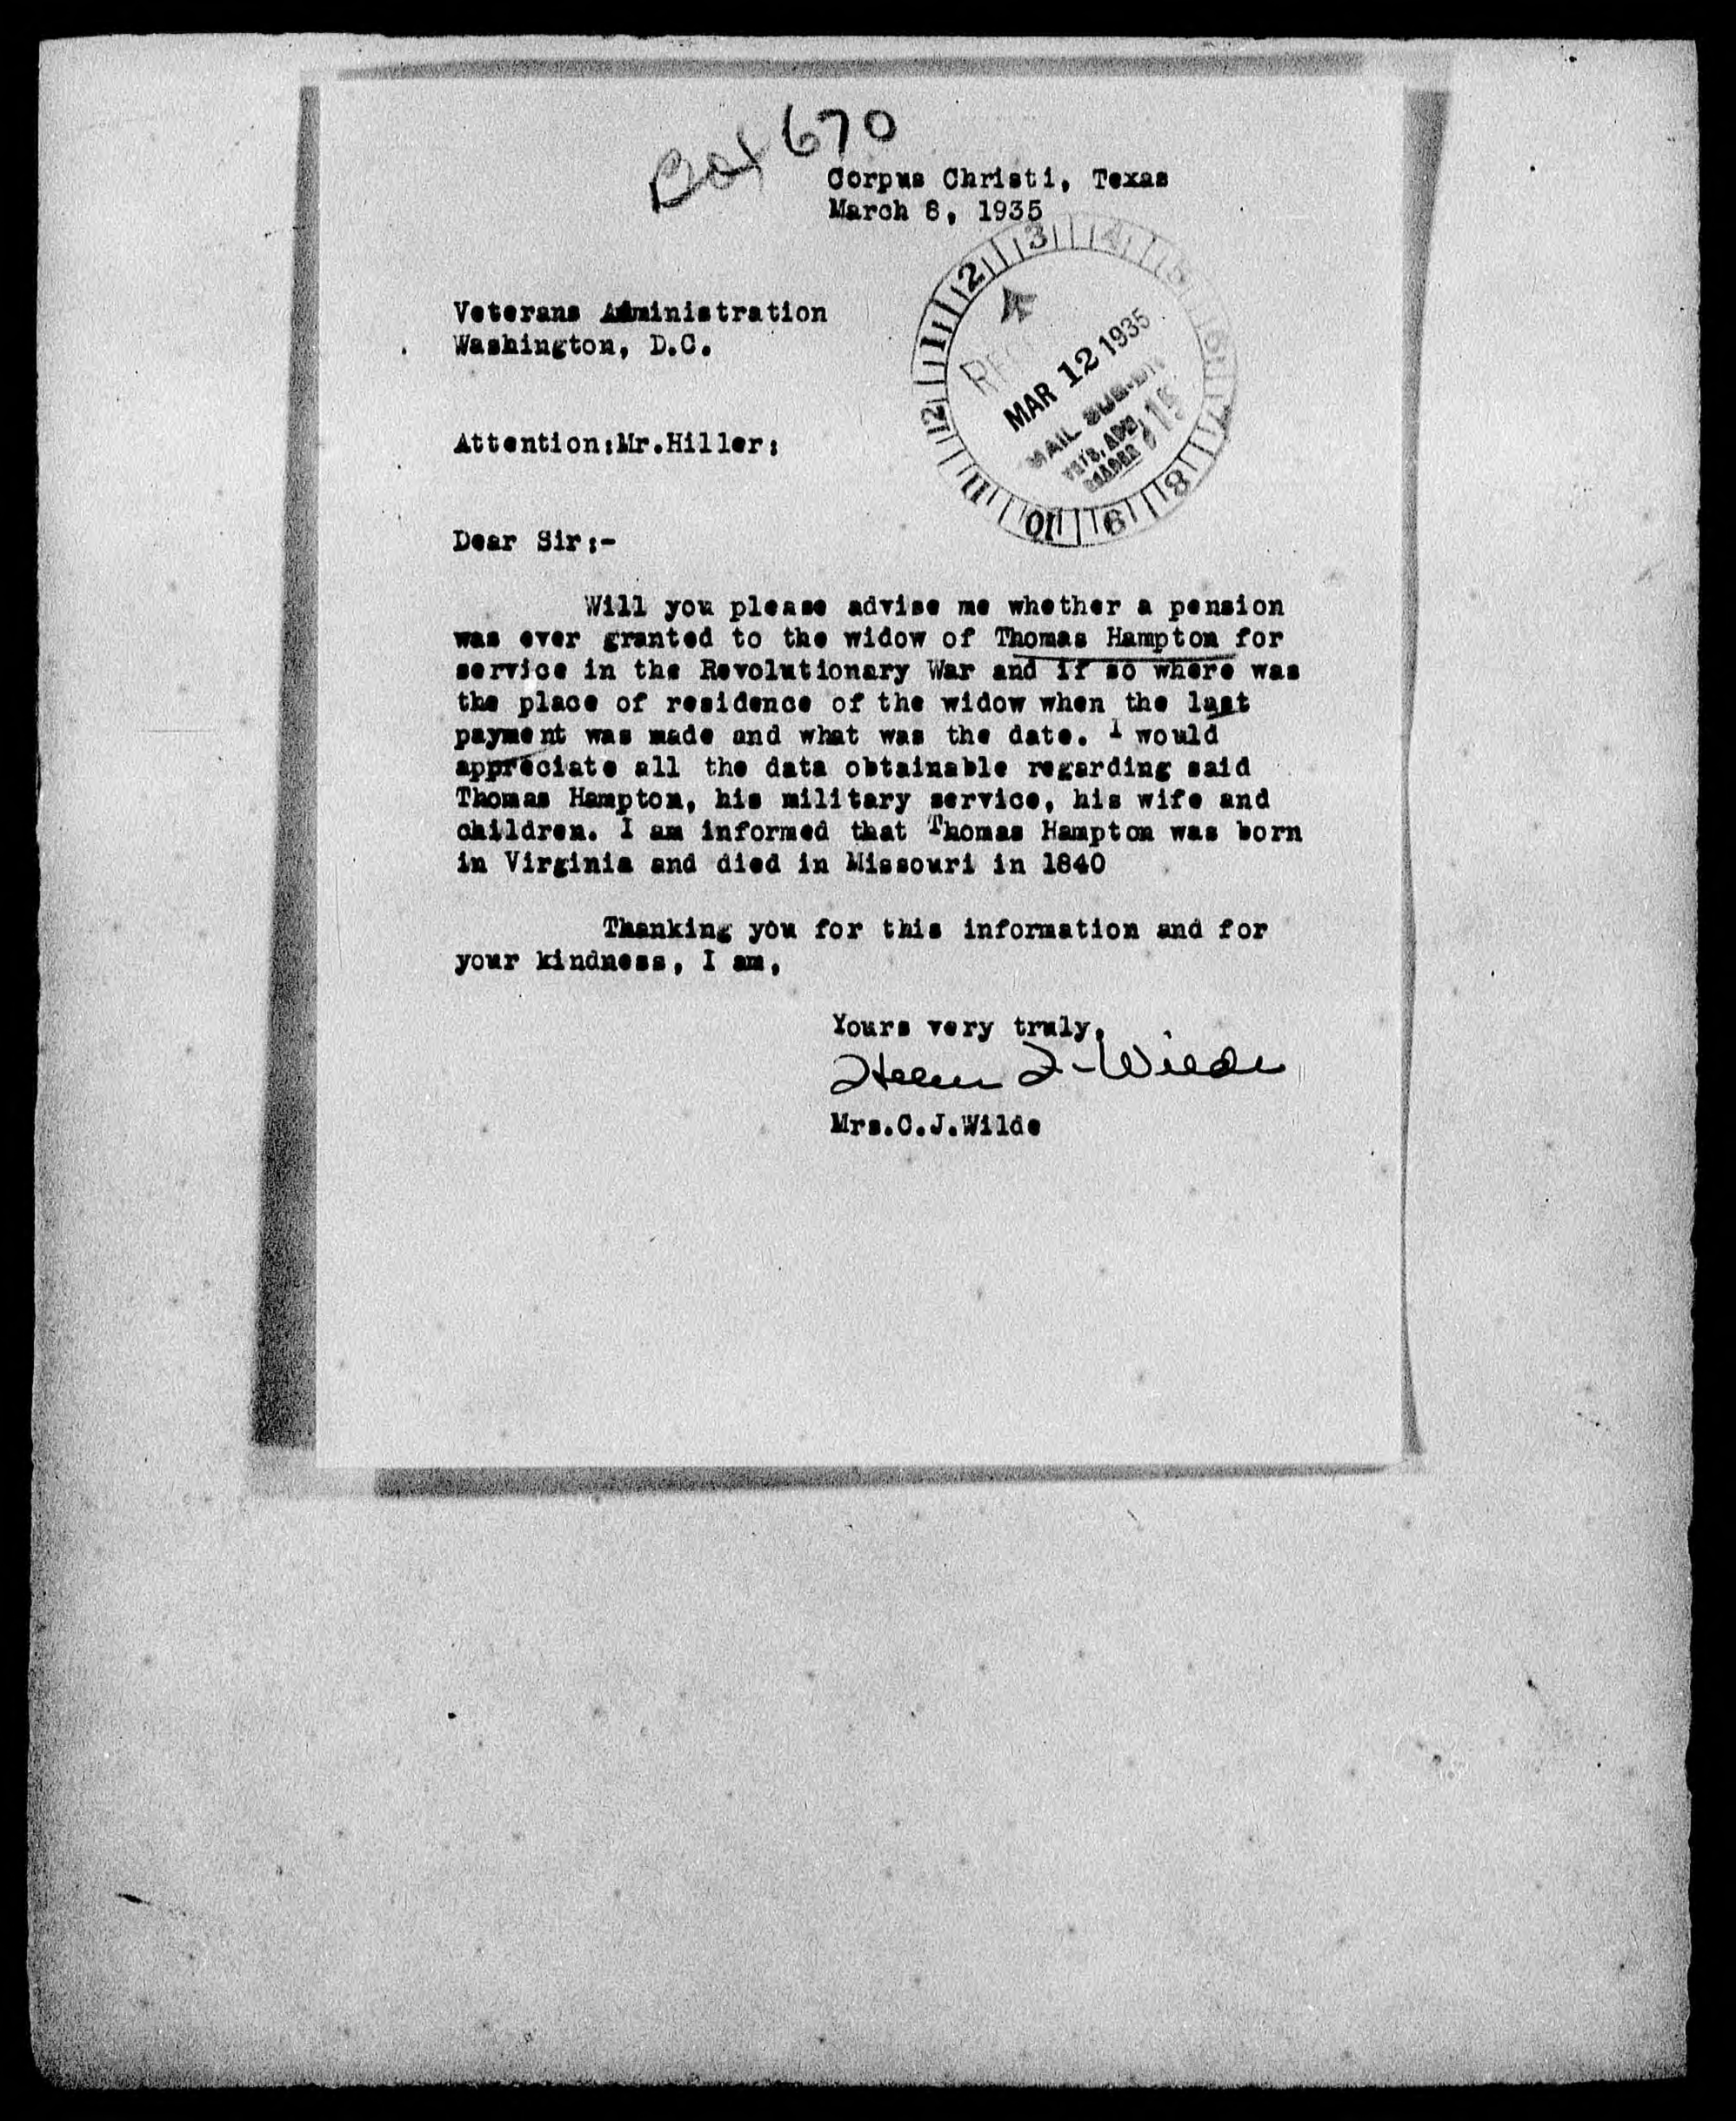Box 670
Corpus Christi, Texas
March 8, 1935
Veterans Administration
Washington, D.C. 

[Stamp:] RECEIVED MAR 12 1935
MAIL SUB-DIV.
VETS. ADM. READER #15

Attention: Mr. Hiller:
Dear Sir:-
Will you please advise me whether a pension was ever granted to the widow of Thomas Hampton for service in the Revolutionary War and if so where was the place of residence of the widow when the last payment was made and what was the date. I would appreciate all the data obtainable regarding said Thomas Hampton, his military service, his wife and children. I am informed that Thomas Hampton was born in Virginia and died in Missouri in 1840
Thanking you for this information and for your kindness, I am,
Yours very truly,
Helen F. Wilde
Mrs.C.J.Wilde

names: C J Wilde, Helen F Wilde, Thomas Hampton, Hiller, Thomas Hampton, Thomas Hampton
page: 14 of 26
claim: survivor's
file: S. 16842, Thomas Hampton, Va.